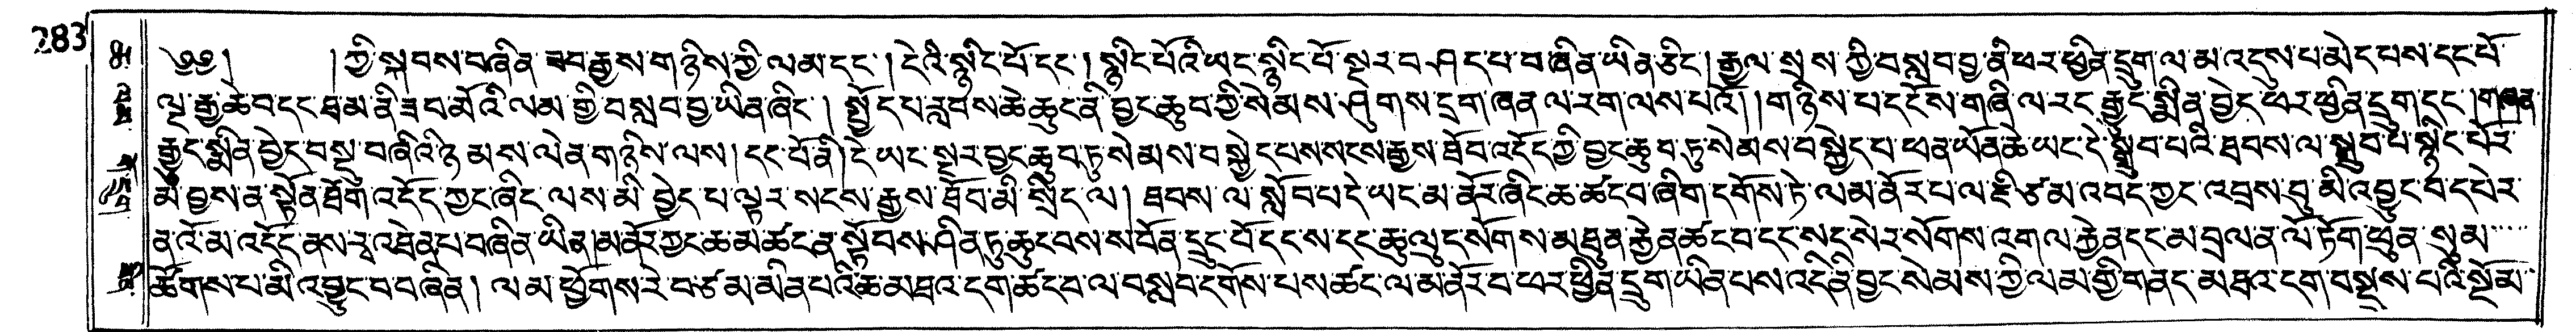༄༅། །ཀྱི་སྐབས་བཞིན་ཟབ་རྒྱས་གཉིས་ཀྱི་ལམ་དང་། དེའི་སྙིང་པོ་དང་། སྙིང་པོའི་ཡང་སྙིང་པོ་སྔར་བཤད་པ་བཞིན་ཡིན་ཅིང་། རྒྱལ་སྲས་ཀྱི་བསླབ་བྱ་ནི་ཕར་ཕྱིན་དྲུག་ལ་མ་འདུས་པ་མེད་པས་དང་པོ་
ལྔ་རྒྱ་ཆེ་བ་དང་ཐ་མ་ནི་ཟབ་མོའི་ལམ་གྱི་བསླབ་བྱ་ཡིན་ཞིང་། སྤྱོད་པ་རླབས་ཆེ་ཆུང་ནི་བྱང་ཆུབ་ཀྱི་སེམས་ཤུགས་དྲག་ཞན་ལ་རག་ལས་པའོ། །གཉིས་པ་དངོས་གཞི་ལ་རང་རྒྱུད་སྨིན་བྱེད་ཕར་ཕྱིན་དྲུག་དང་། གཞན་
རྒྱུད་སྨིན་བྱེད་བསྡུ་བཞིའི་ཉམས་ལེན་གཉིས་ལས། དང་པོ་ནི། དེ་ཡང་སྔར་བྱང་ཆུབ་ཏུ་སེམས་བསྐྱེད་པས་སངས་རྒྱས་ཐོབ་འདོད་ཀྱི་བྱང་ཆུབ་ཏུ་སེམས་བསྐྱེད་པ་ཕན་ཡོན་ཆེ་ཡང་དེ་སྒྲུབ་པའི་ཐབས་ལ་སྒྲུབ་པ་སྙིང་པོར་
མ་བྱས་ན་སྟོན་ཐོག་འདོད་ཀྱང་ཞིང་ལས་མི་བྱེད་པ་ལྟར་སངས་རྒྱས་ཐོབ་མི་སྲིད་ལ། ཐབས་ལ་སློབ་པ་དེ་ཡང་མ་ནོར་ཞིང་ཆ་ཚང་བ་ཞིག་དགོས་ཏེ་ལམ་ནོར་པ་ལ་ཇི་ཙམ་འབད་ཀྱང་འབྲས་བུ་མི་འབྱུང་བ་དཔེར་
ན་འོ་མ་འདོད་ནས་རྭ་འཐེན་པ་བཞིན་ཡིན། མ་ནོར་ཀྱང་ཆ་མ་ཚང་ན་སྟོབས་ཤིན་ཏུ་ཆུང་བས་ས་བོན་དྲུང་པོ་དང་ས་དང་ཆུ་ལུང་སོགས་མཐུན་རྐྱེན་ཚང་བ་དང་སད་སེར་སོགས་འགལ་རྐྱེན་དང་མ་བྲལ་ན་ལོ་ཏོག་ཕུན་སུམ་
ཚོགས་པ་མི་འབྱུང་བ་བཞིན། ལམ་ཕྱོགས་རེ་བ་ཙམ་མིན་པའི་ཆ་མཐའ་དག་ཚང་བ་ལ་བསླབ་དགོས་པས་ཚང་ལ་མ་ནོར་བ་ཕར་ཕྱིན་དྲུག་ཡིན་པས་འདི་ནི་བྱང་སེམས་ཀྱི་ལམ་གྱི་གནད་མཐའ་དག་བསྡུས་པའི་སྡོམ་